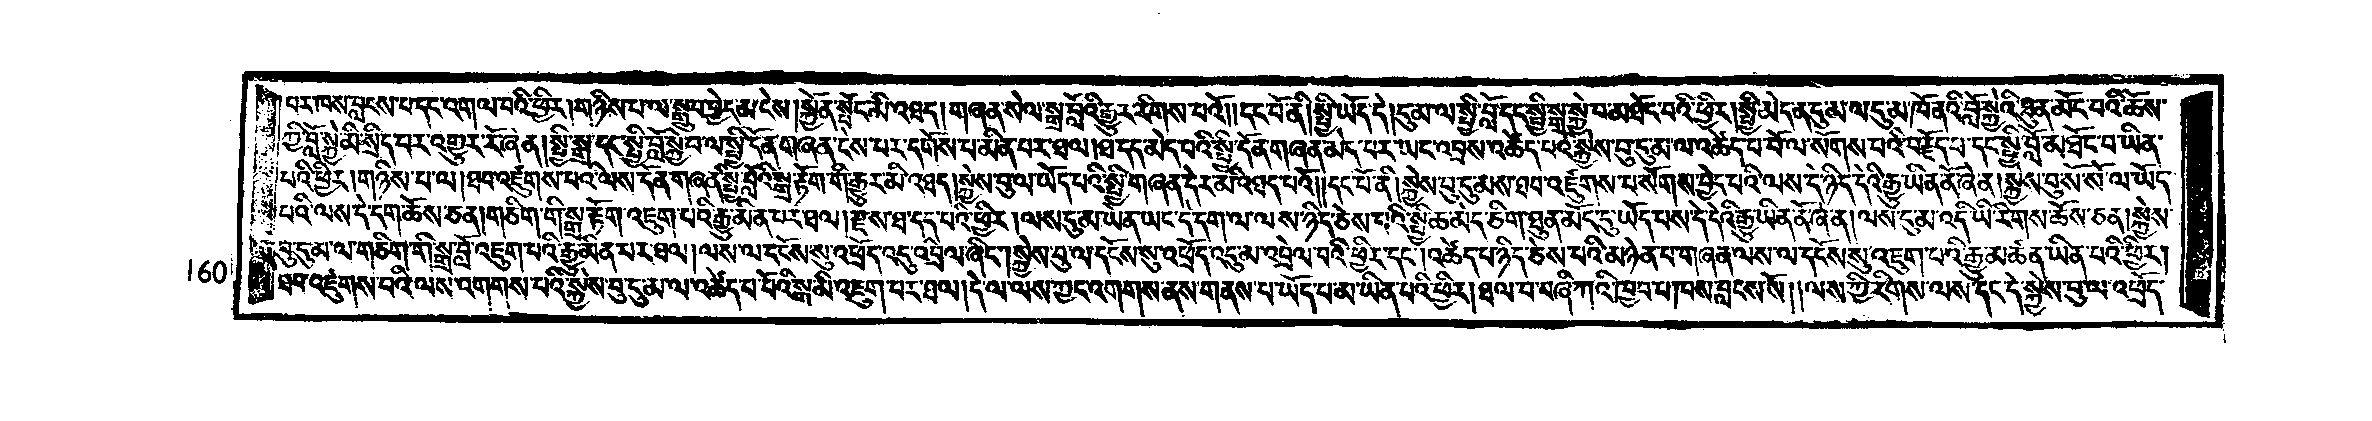པར་ཁས་བླངས་པ་དང་འགལ་བའི་ཕྱིར། གཉིས་པ་ལ་སྒྲུབ་བྱེད་མ་ངེས། སྐྱོན་སྤོང་མི་འཐད། གཞན་སེལ་སྒྲ་བློའི་རྒྱུར་རིགས་པའོ། །དང་པོ་ནི། སྤྱི་ཡོད་དེ། དུ་མ་ལ་སྤྱི་བློ་དང་སྤྱི་སྒྲ་སྐྱེ་བ་མཐོང་བའི་ཕྱིར། སྤྱི་མེད་ན་དུ་མ་ལ་དུ་མ་ཁོ་ནའི་བློ་སྐྱེའི་ཐུན་མོང་བའི་ཆོས་
ཀྱི་བློ་སྐྱེ་མི་སྲིད་པར་འགྱུར་རོ་ཞེ་ན། སྤྱི་སྒྲ་དང་སྤྱི་བློ་སྐྱེ་བ་ལ་སྤྱི་དོན་གཞན་ངེས་པར་དགོས་པ་མིན་པར་ཐལ། ཐ་དད་མེད་པའི་སྤྱི་དོན་གཞན་མེད་པར་ཡང་འབྲས་འཚེད་པའི་སྐྱེས་བུ་དུ་མ་ལ་འཚེད་པ་པོ་ལ་སོགས་པའི་བརྗོད་པ་དང་སྤྱི་བློ་མཐོང་བ་ཡིན་
པའི་ཕྱིར། གཉིས་པ་ལ། ཐབ་འཛུགས་པའི་ལས་དོན་གཞན་སྤྱི་བློའི་སྒྲ་རྟོག་གི་རྒྱུར་མི་འཐད། སྐྱེས་བུ་ལ་ཡོད་པའི་སྤྱི་གཞན་དེར་མི་འཐད་པའོ། །དང་པོ་ནི། སྐྱེས་བུ་དུ་མས་ཐབ་འཛུགས་པ་སོགས་བྱེད་པའི་ལས་དེ་ཉིད་དེའི་རྒྱུ་ཡིན་ནོ་ཞེ་ན། སྐྱེས་བུ་སོ་སོ་ལ་ཡོད་
པའི་ལས་དེ་དག་ཆོས་ཅན། གཅིག་གི་སྒྲ་རྟོག་འཇུག་པའི་རྒྱུ་མིན་པར་ཐལ། རྫས་ཐ་དད་པའི་ཕྱིར། ལས་དུ་མ་ཡིན་ཡང་དེ་དག་ལ་ལས་ཉིད་ཅེས་པའི་སྤྱི་ཆ་མེད་ཅིག་ཐུན་མོང་དུ་ཡོད་པས་དེ་དེའི་རྒྱུ་ཡིན་ནོ་ཞེ་ན། ལས་དུ་མ་འདི་ཡིན་རིགས་ཆོས་ཅན། སྐྱེས་
བུ་དུ་མ་ལ་གཅིག་གི་སྒྲ་བློ་འཇུག་པའི་རྒྱུ་མིན་པར་ཐལ། ལས་ལ་དངོས་སུ་འཕྲོད་འདུ་འབྲེལ་ཞིང་། སྐྱེས་བུ་ལ་དངོས་སུ་འཕྲོད་འདུ་མ་འབྲེལ་བའི་ཕྱིར་དང་།འཚེད་པ་ཉིད་ཅེས་པའི་མཉེན་པ་གཞན་ལས་ལ་དངོས་སུ་འཇུག་པའི་རྒྱུ་མཚན་ཡིན་པའི་ཕྱིར།
ཐབ་འཛུགས་པའི་ལས་འགགས་པའི་སྐྱེས་བུ་དུ་མ་ལ་འཚེད་པ་པོའི་སྒ་མི་འཇུག་པར་ཐལ། དེ་ལ་ལས་ཀྱང་འགགས་ནས་གནས་པ་ཡོད་པ་མ་ཡིན་པའི་ཕྱིར། ཐལ་བ་བཞི་ཀའི་ཁྱབ་པ་ཁས་བླངས་སོ། །ལས་ཀྱི་རིགས་ལས་དང་དེ་སྐྱེས་བུ་ལ་འཕྲོད་